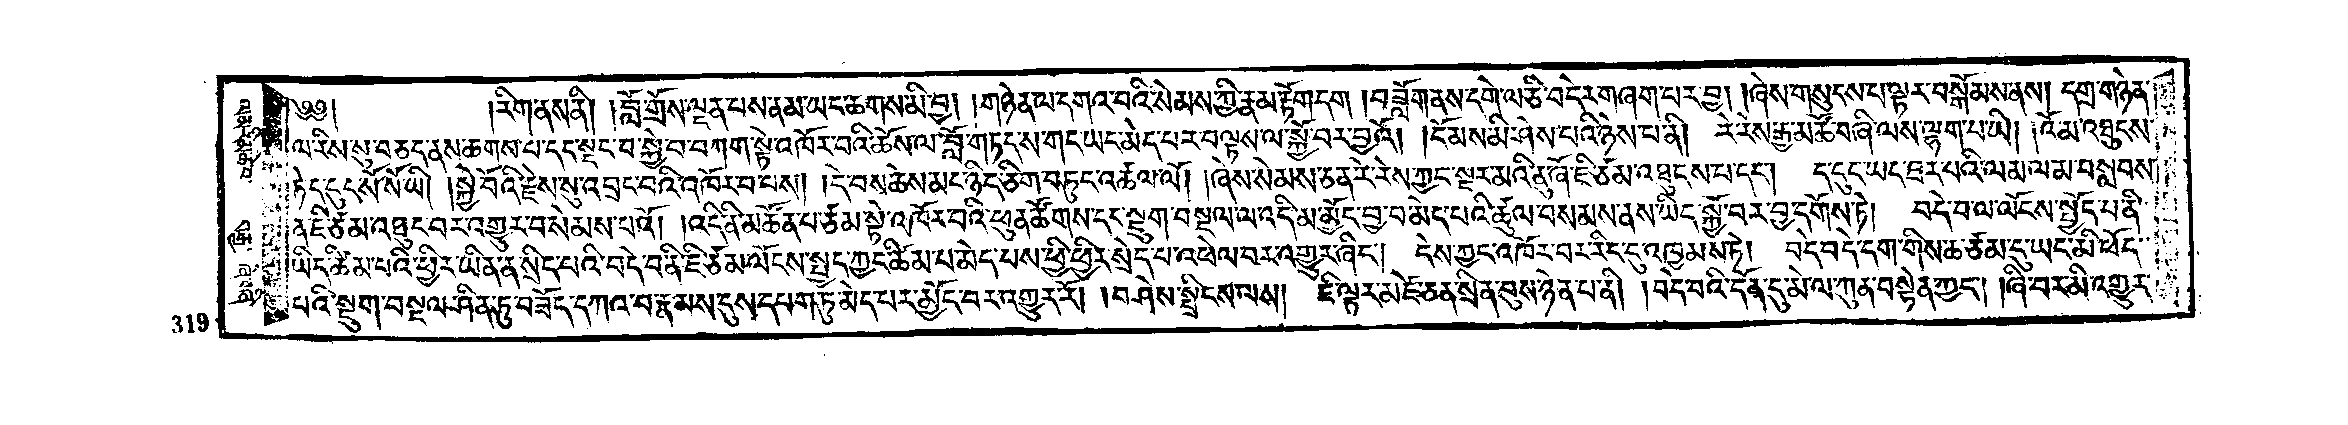༄༅། །རིག་ནས་ནི། །བློ་གྲོས་ལྡན་པས་ནམ་ཡང་ཆགས་མི་བྱ། །གཉེན་ལ་དགའ་བའི་སེམས་ཀྱི་རྣམ་རྟོག་དག །བཟློག་ནས་དགེ་ལ་ཅི་བདེར་གཞག་པར་བྱ། །ཞེས་གསུངས་པ་ལྟར་བསྒོམས་ནས། དགྲ་གཉེན་
ལ་རིས་སུ་བཅད་ནས་ཆགས་པ་དང་སྡང་ཕ་སྐྱེ་བ་བཀག་སྟེ་འཁོར་བའི་ཆོས་ལ་བློ་གཏད་ས་གང་ཡང་མེད་པར་བལྟས་ལ་སྐྱོ་བར་བྱའོ། །ངོམས་མི་ཤེས་པའི་ཉེས་པ་ནི། རེ་རེས་རྒྱ་མཚོ་བཞི་ལས་ལྷག་པ་ཡི། །འོ་མ་འཐུངས་
ཏེ་ད་དུང་སོ་སོ་ཡི། །སྐྱེ་བོའི་རྗེས་སུ་འབྲང་བའི་འཁོར་བ་པས། །དེ་བས་ཆེས་མང་ཉིད་ཅིག་བཏུང་འཚལ་ལོ། །ཞེས་སེམས་ཅན་རེ་རེས་ཀྱང་སྔར་མའི་ནུ་ཞོ་ཇི་ཙམ་འཐུངས་པ་དང་། ད་དུང་ཡང་ཐར་པའི་ལམ་ལ་མ་བསླབས་
ན་ཇི་ཙམ་འཐུང་བར་འགྱུར་བ་སེམས་པའོ། །འདི་ནི་མཚོན་པ་ཙམ་སྟེ་འཁོར་བའི་ཕུན་ཚོགས་དང་སྡུག་བསྔལ་ལ་འདི་མ་མྱོང་བྱ་བ་མེད་པའི་ཚུལ་བསམས་ནས་ཡིད་སྐྱོ་བར་བྱ་དགོས་ཏེ། བདེ་བ་ལ་ལོངས་སྤྱོད་པ་ནི་
ཡིད་ཚིམ་པའི་ཕྱིར་ཡིན་ན་སྲིད་པའི་བདེ་བ་ནི་ཇི་ཙམ་ལོངས་སྤྱད་ཀྱང་ཚིམ་པ་མེད་པས་ཕྱི་ཕྱིར་སྲེད་པ་འཕེལ་བར་འགྱུར་ཞིང་། དེས་ཀྱང་འཁོར་བར་རིང་དུ་འཁྱམས་ཏེ། བདེ་བ་དེ་དག་གིས་ཆ་ཙམ་དུ་ཡང་མི་ཕོད་
པའི་སྡུག་བསྔལ་ཤིན་ཏུ་བཟོད་བཀའ་བ་རྣམས་དུས་དཔག་ཏུ་མེད་པར་མྱོང་བར་འགྱུར་རོ། །བཤེས་སྤྲིངས་ལས། ཇི་ལྟར་མཛེ་ཅན་སྲིན་བུས་ཉེན་པ་ནི། །བདེ་བའི་དོན་དུ་མེ་ལ་ཀུན་བསྟེན་ཀྱང་། །ཞི་བར་མི་འགྱུར་